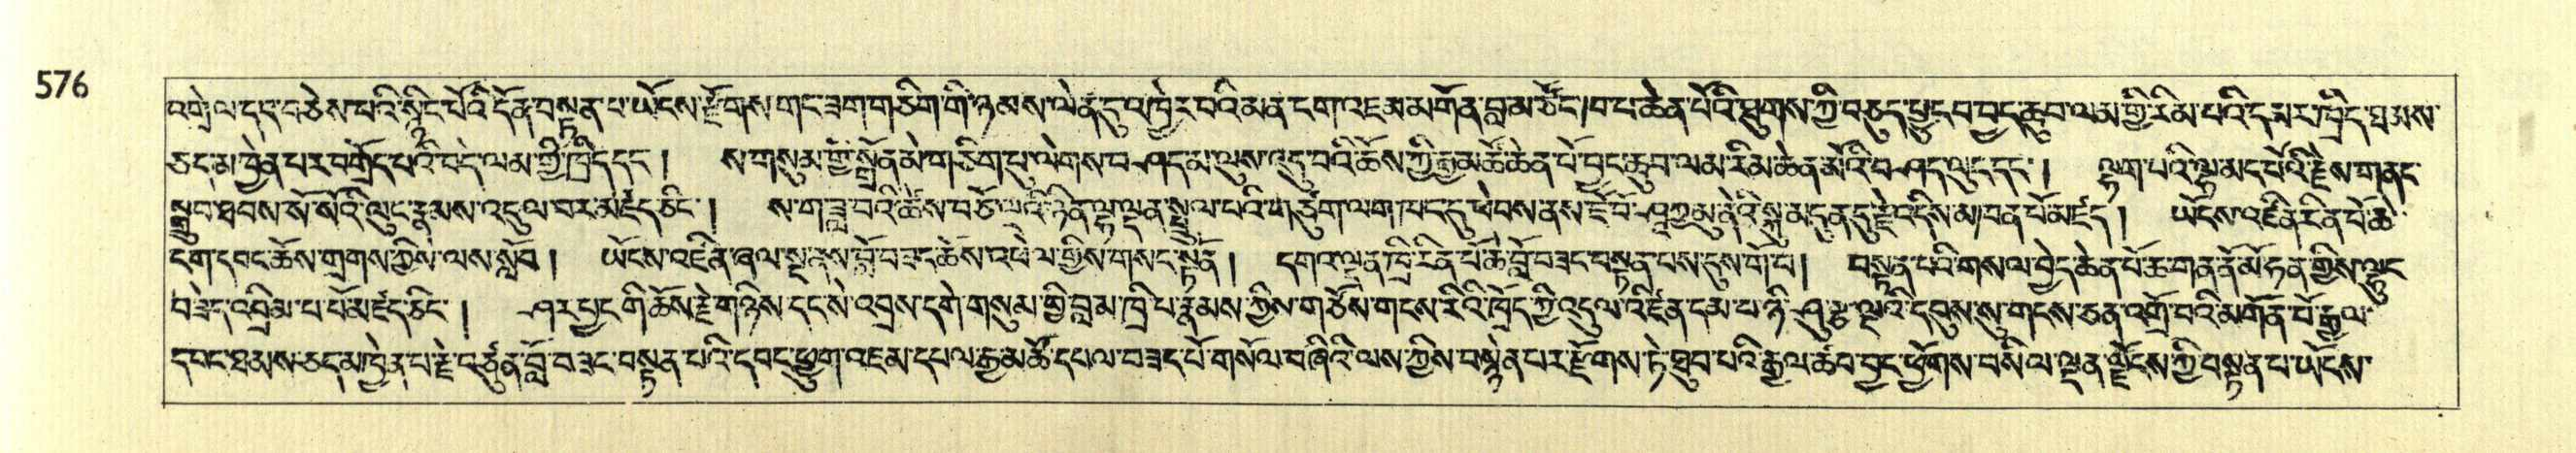འགྲེལ་དང་བཅེས་པའི་སྙིང་པོའི་དོན་བསྟན་པ་ཡོངས་རྫོགས་གང་ཟག་གཅིག་གི་ཉམས་ལེན་དུ་འཁྱེར་བའི་མན་ངག་འཇམ་མགོན་བླ་མ་ཙོང་ཁ་པ་ཆེན་པོའི་ཐུགས་ཀྱི་བཅུད་བྱུང་བ་བྱང་ཆུབ་ལམ་གྱི་རིམ་པའི་དམར་ཁྲིད་ཐམས་
ཅད་མཁྱེན་པར་བགྲོད་པའི་བདེ་ལམ་གྱི་ཁྲིད་དང་། ས་གསུམ་གྱི་སྒྲོན་མེ་གཅིག་པུ་ལེགས་བཤད་མ་ལུས་འདུ་བའི་ཆོས་ཀྱི་རྒྱ་མཚོ་ཆེན་པོ་བྱང་ཆུབ་ལམ་རིམ་ཆེན་མོའི་བཤད་ལུང་དང་། ལྷག་པའི་ལྷ་མང་པོའི་རྗེས་གནང་
སྒྲུབ་ཐབས་སོ་སོའི་ལུང་རྣམས་འདུལ་བར་མཛད་ཅིང་། ས་ག་ཟླ་བའི་ཚེས་བཅོ་ལྔའི་ཉིན་ལྷ་ལྡན་སྤྲུལ་པའི་གཙུག་ལག་ཁང་དུ་ཕེབས་ནས་ཇོ་བོ་ཤཱཀྱ་མུ་ནེའི་སྐུ་མདུན་དུ་རྗེ་འདིས་མཁན་པོ་མཛད། ཡོངས་འཛིན་རིན་པོ་ཆེ་
ངག་དབང་ཆོས་གྲགས་ཀྱིས་ལས་སློབ། ཡོངས་འཛིན་ཞལ་སྔ་ནས་བློ་བཟང་ཆོས་འཕེལ་གྱིས་གསང་སྟོན། དགའ་ལྡན་ཁྲི་རིན་པོ་ཆེ་བློ་བཟང་བསྟན་པས་དུས་གོ་བ། བསྟན་པའི་གསལ་བྱེད་ཆེན་པོ་ཆ་གན་ནོ་མོ་ཧན་གྱིས་ལྷུང་
བཟེད་འབྲིམ་པ་པོ་མཛད་ཅིང་། ཤར་བྱང་གི་ཆོས་རྗེ་གཉིས་དང་སེ་འབྲས་དགེ་གསུམ་གྱི་བླ་མ་ཁྲི་པ་རྣམས་ཀྱིས་གཙོས་གངས་རིའི་ཁྲོད་ཀྱི་འདུལ་འཛིན་དམ་པ་ཉི་ཤུ་རྩ་ལྔའི་དབུས་སུ་གངས་ཅན་འགྲོ་བའི་མགོན་པོ་རྒྱལ་
དབང་ཐམས་ཅད་མཁྱེན་པ་རྗེ་བཙུན་བློ་བཟང་བསྟན་པའི་དབང་ཕྱུག་འཇམ་དཔལ་རྒྱ་མཚོ་དཔལ་བཟང་པོ་གསོལ་བཞིའི་ལས་ཀྱིས་བསྙེན་པར་རྫོགས་ཏེ་ཐུབ་པའི་རྒྱལ་ཚབ་བྱང་ཕྱོགས་བསིལ་ལྡན་ལྗོངས་ཀྱི་བསྟན་པ་ཡོངས་